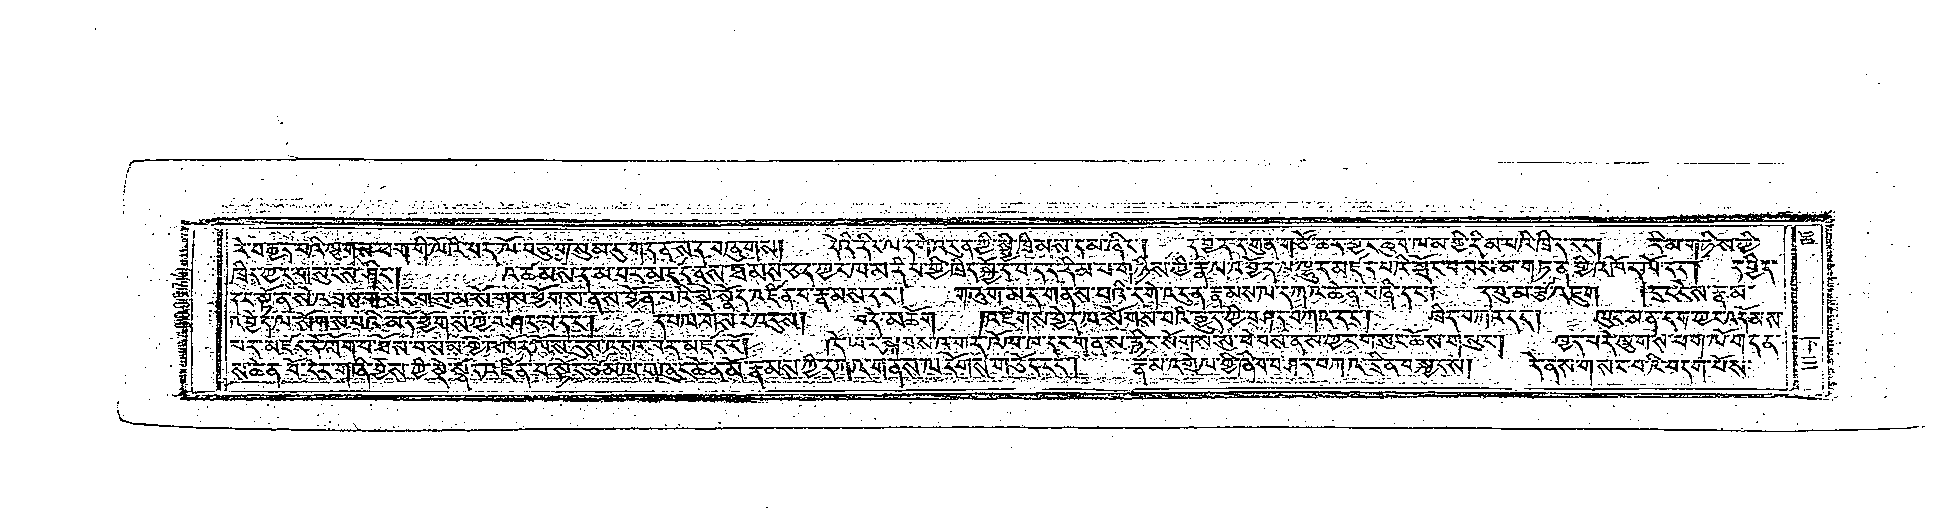རེ་བརྒྱད་པའི་ལྕགས་ཕག་གི་ལོའི་པར་ལོ་བཅུ་གསུམ་དུ་གདན་སར་བཞུགས། དེའི་རིང་ལ་དགེ་འདུན་གྱི་སྦྱི་ཁྲིམས་དམ་ཞིང་། དབྱར་དགུན་གཙོ་ཆར་བྱང་ཆུབ་ལམ་གྱི་རིམ་པའི་ཁྲིད་དང་། རིམ་གཉིས་ཀྱི་
ཁྲིད་ཀྱང་གསུངས་ཤིང་། འཚམས་དམ་པར་མཛད་ནས་ཐམས་ཅད་ཀྱང་ལམ་རི་པ་གྱི་ཁྲིད་སྐྱོད་བ་དང་རིམ་པ་གཉིས་ཀྱི་རྣལ་འབྱོར་ལ་ལྷུར་མཛད་པའི་སྤོང་བ་བསམ་གཏན་གྱི་འཁོར་ལོ་དང་། དབྱིད་
དང་སྟོན་སེ་འབྲས་གསང་གསུམ་སོགས་ཕྱོགས་ནས་བྱོན་པའི་སྡེ་སྣོད་འཛིན་པ་རྣམས་དང་། གཉུག་མར་གནས་བའི་དགེ་འདུན་རྣམས་ལ་དཀའ་ཆེན་བཞི་དང་། དབུ་མ་རྩ་འཇུག །དྲང་ངེས་རྣམ་
འབྱེད་ལ་སོགས་པའི་མདོ་ཕྱོགས་ཀྱི་བཤད་པ་དང་། དཔལ་གསང་འདུས། བདེ་མཆོག །འཇིགས་བྱེད་ལ་སོགས་པའི་རྒྱུད་ཀྱི་བཤད་བཀའ་དང་། ཁྲིད་བཀའ་དང་། ལུང་མན་ངག་ཀྱང་འདོམས་
པར་མཛད་དེ་ཀློག་པ་ཐོས་བསམ་གྱི་འཁོར་ལོས་དུས་འདའ་བར་མཛད་དོ། །དེ་ཡང་སྐབས་འ་གར་འོལ་ཁ་དང་གནས་རྙིང་སོགས་སུ་ཕེབས་ནས་ཀྱང་གསུང་ཆོས་གསུང་། ཁྱད་པར་ལྕགས་ཕག་ལོ་གདན་
ས་ཆེན་པོ་དེར་གཞི་བྱེས་ཀྱི་སྡེ་སྣོད་འཛིན་བ་སྟོང་ཙམ་ལ་གཞུང་ཆེན་མོ་རྣམས་ཀྱི་དཀའ་གནས་ལ་དོགས་གཅོད་དང་། རྣམ་འགྲེལ་གྱི་ཞིབ་བཤད་བཀའ་དྲིན་བསྐྱངས། དེ་ནས་གསང་པའི་བདག་པོས་